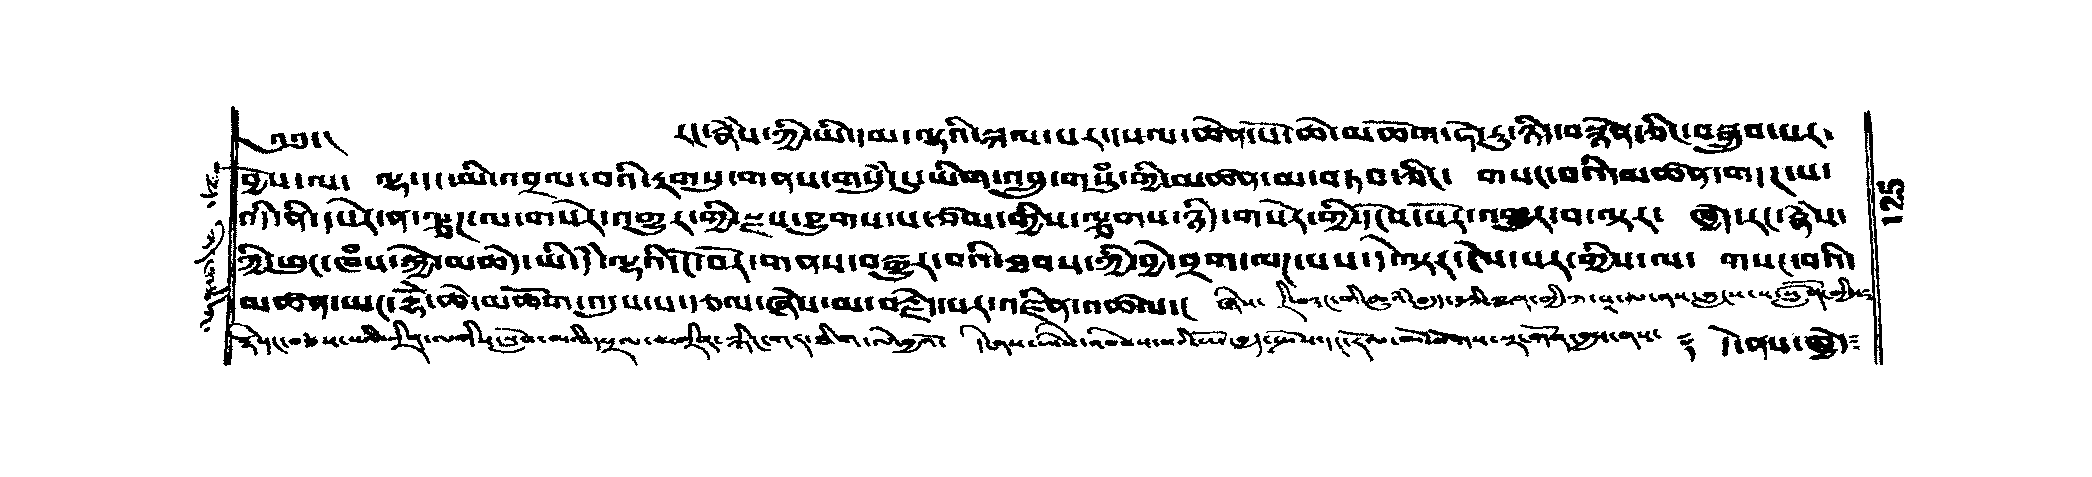རང་རྣམས་ཀྱི་ཡི་དམ་ལྷའི་སྐལ་པར་དཔལ་ཆེན་པོ་ཆེ་མཆོག་ཧོ་རུ་ཉིད་བསྙེན་ཅིང་བསྒྲུབ་པར་
བྱོས་ལ། ལྷ་དང་མི་འབྲལ་བའི་རྟགས་སུ་གནས་གསུམ་དུ་ཡིག་འབྲུ་གསུམ་གྱི་མཚན་མ་བཏབ་ཅིང་། གསང་བའི་མཚན་གདགས་པ་
འདི་ནི་དཔེར་ན་ལྕགས་ལ་གསེར་འགྱུར་གྱི་རྫས་བྱུགས་པ་ཙམ་གྱིས་ལྕགས་ཉིད་གསེར་གྱི་དངོས་པར་འགྱུར་བ་ལྟར། ཁྱེད་རང་རྣམས་
ཀྱི་ཕུང་ཁམས་སྐྱེ་མཆེད་ཡི་དམ་ལྷའི་ངོ་བོར་གནས་བསྒྱུར་བའི་ཐབས་ཀྱི་བྱེ་བྲག་ལགས་པས་དེ་ལྟར་ངེས་པར་གྱིས་ལ།གསང་བའི་
མཚན་ཡང་རྡོ་རྗེ་ཆེ་མཆོག་འདུས་པ་རྩལ་ཞེས་མ་བརྗེད་པར་འཛིན་འཚལ། ཞེས། དྲི་བཟང་གི་ཆུའམ་བདུད་རྩི་སྨན་གྱི་ཀ་པཱ་ལ་ནས་བླངས་པ་སློབ་དཔོན་གྱིས་
རྡོ་རྗེ་དང་བཅས་པའི་འདྲིན་ལག་གིས་སློབ་མའི་དཔྲལ་མགྲིན་སྙིང་གར་ཐིག་ལེ་བྱའོ། དེ་ནས་ཡེ་ཤེས་འབེབས་པའི་ཡོ་བྱད་སྤོས་དང་རོལ་མོ་སོགས་ལྟ་གོན་བྱས་ནས། ༈ དེ་ནས་ཁྱེད་